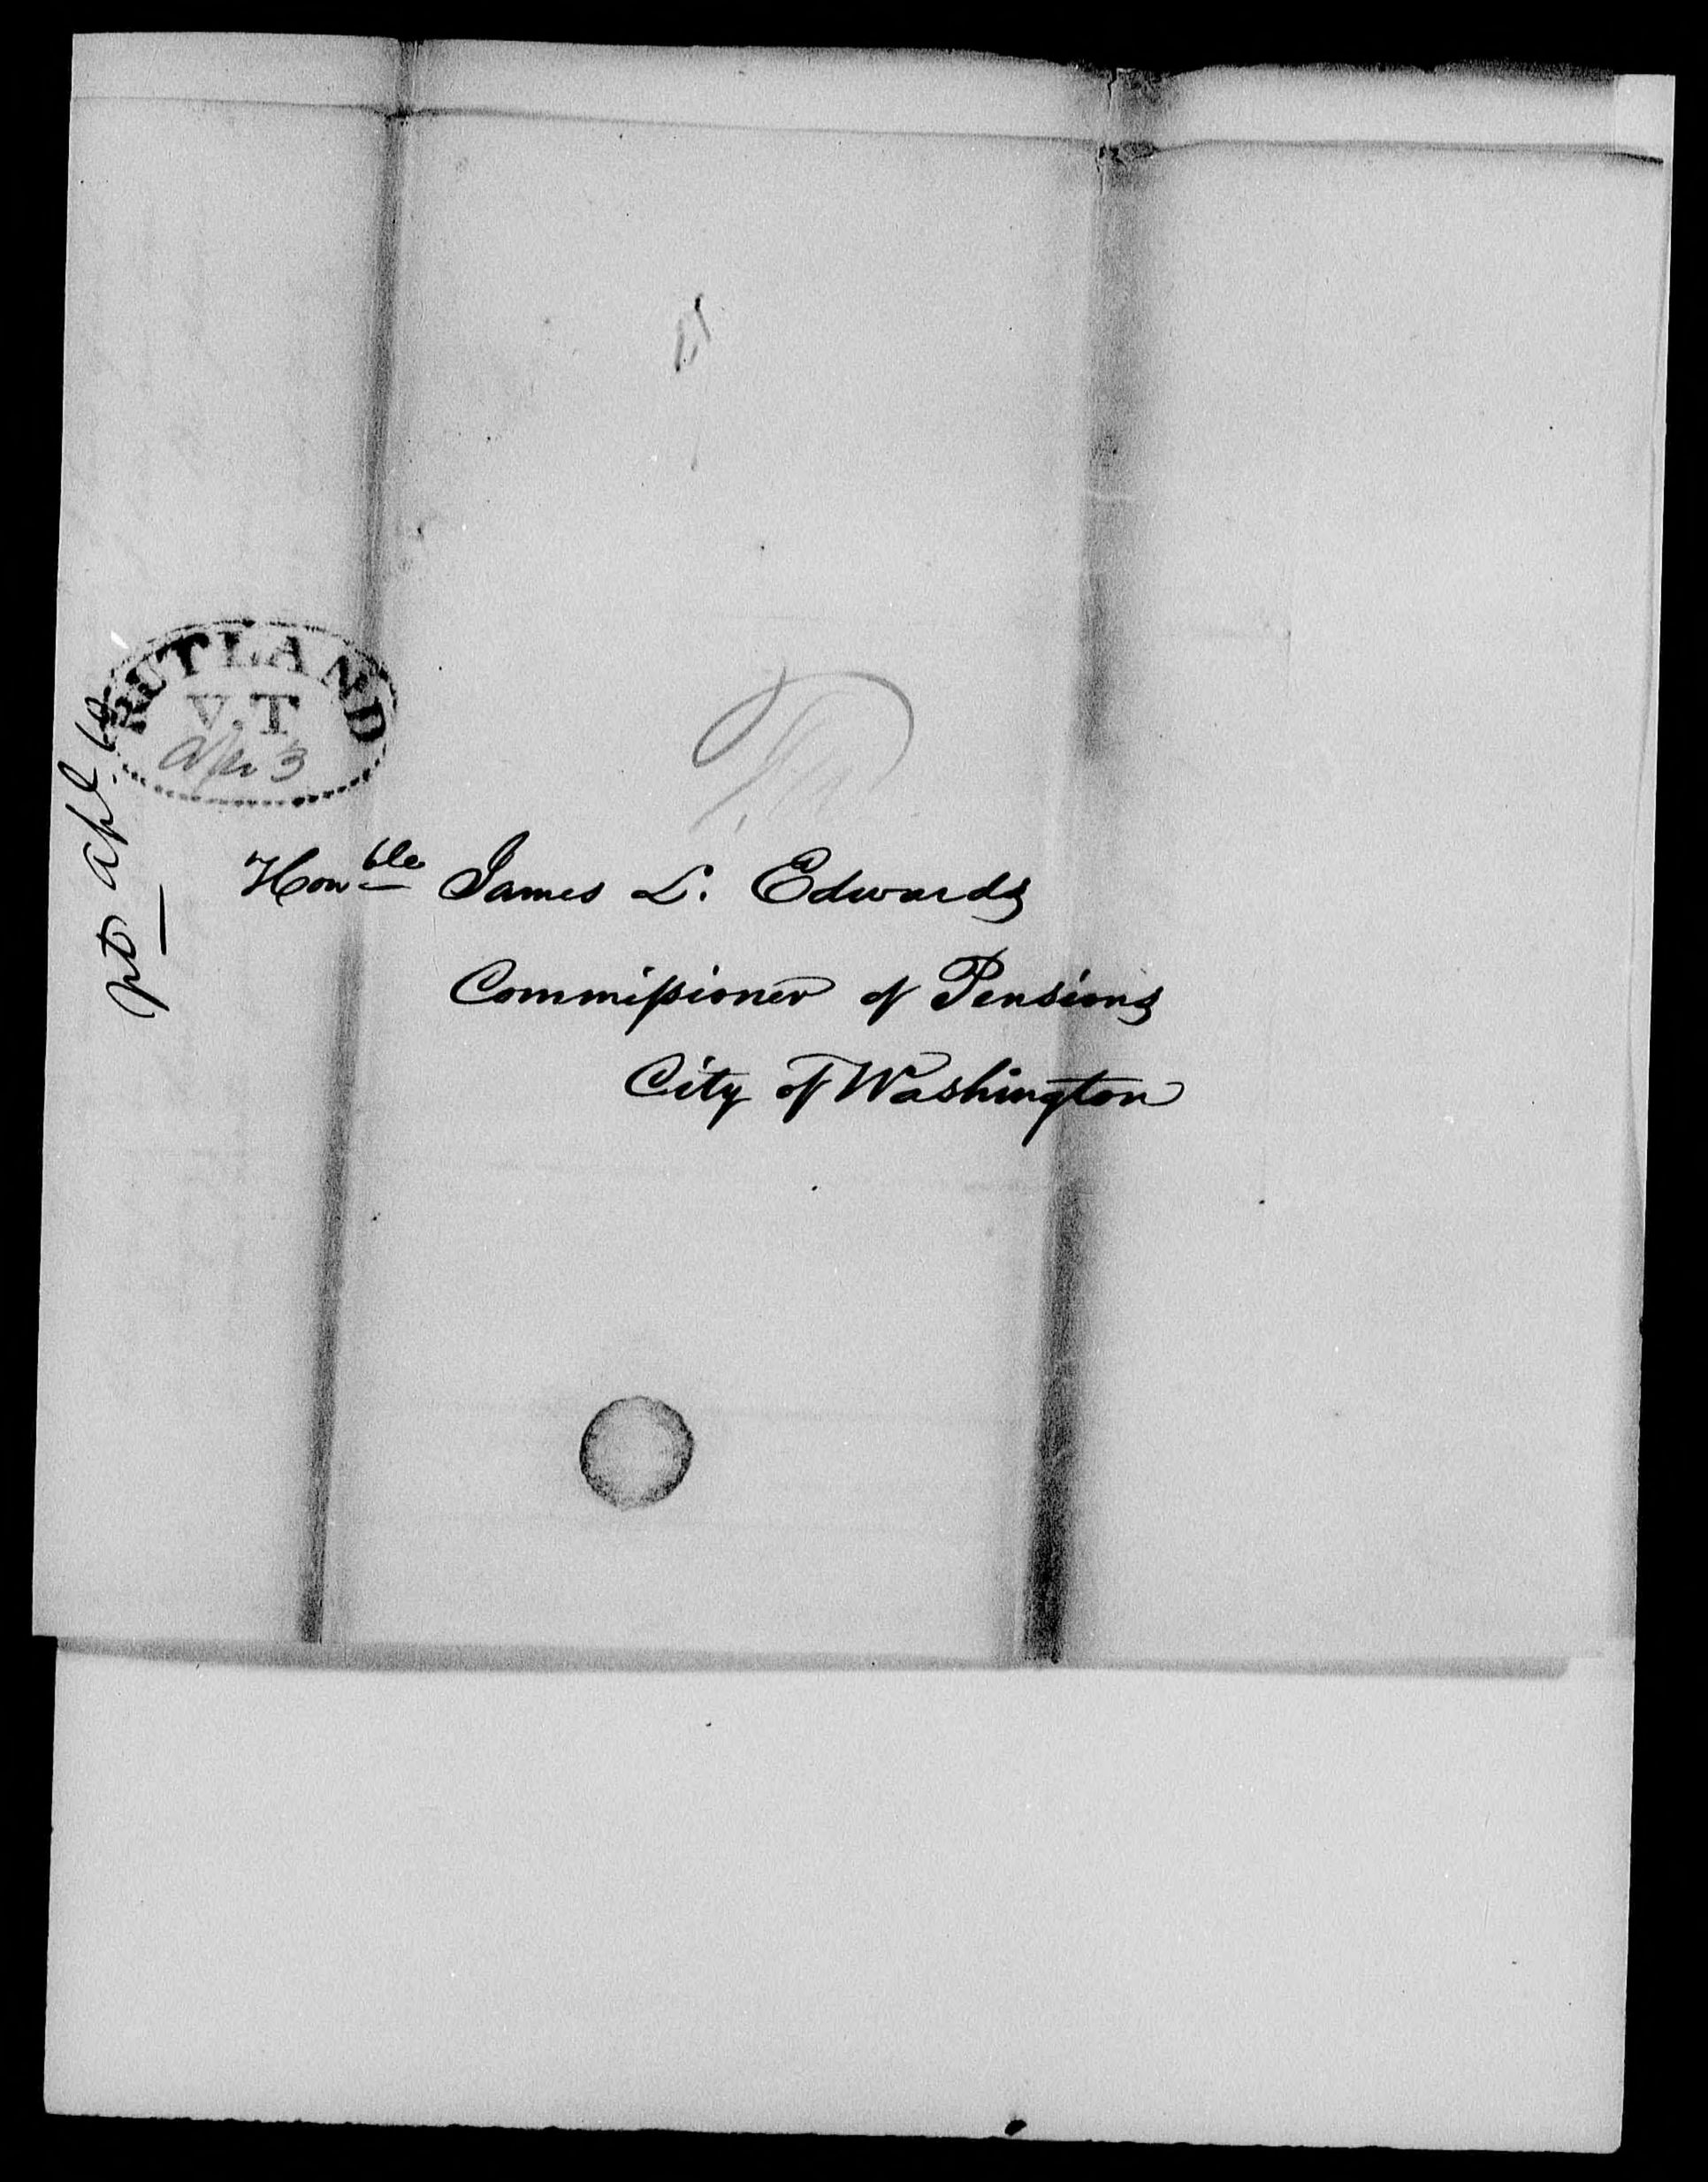[addressed envelope]

[postmark: RUTLAND V.T. Apr 3]
Vt apl. 10

[annotated in pencil: J.W] 
Hon'ble James L. Edwards
Commissioner of Pensions
City of Washington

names: James L Edwards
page: 29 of 33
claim: survivor's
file: S. 12632, William Crossman, Mass. Vt.